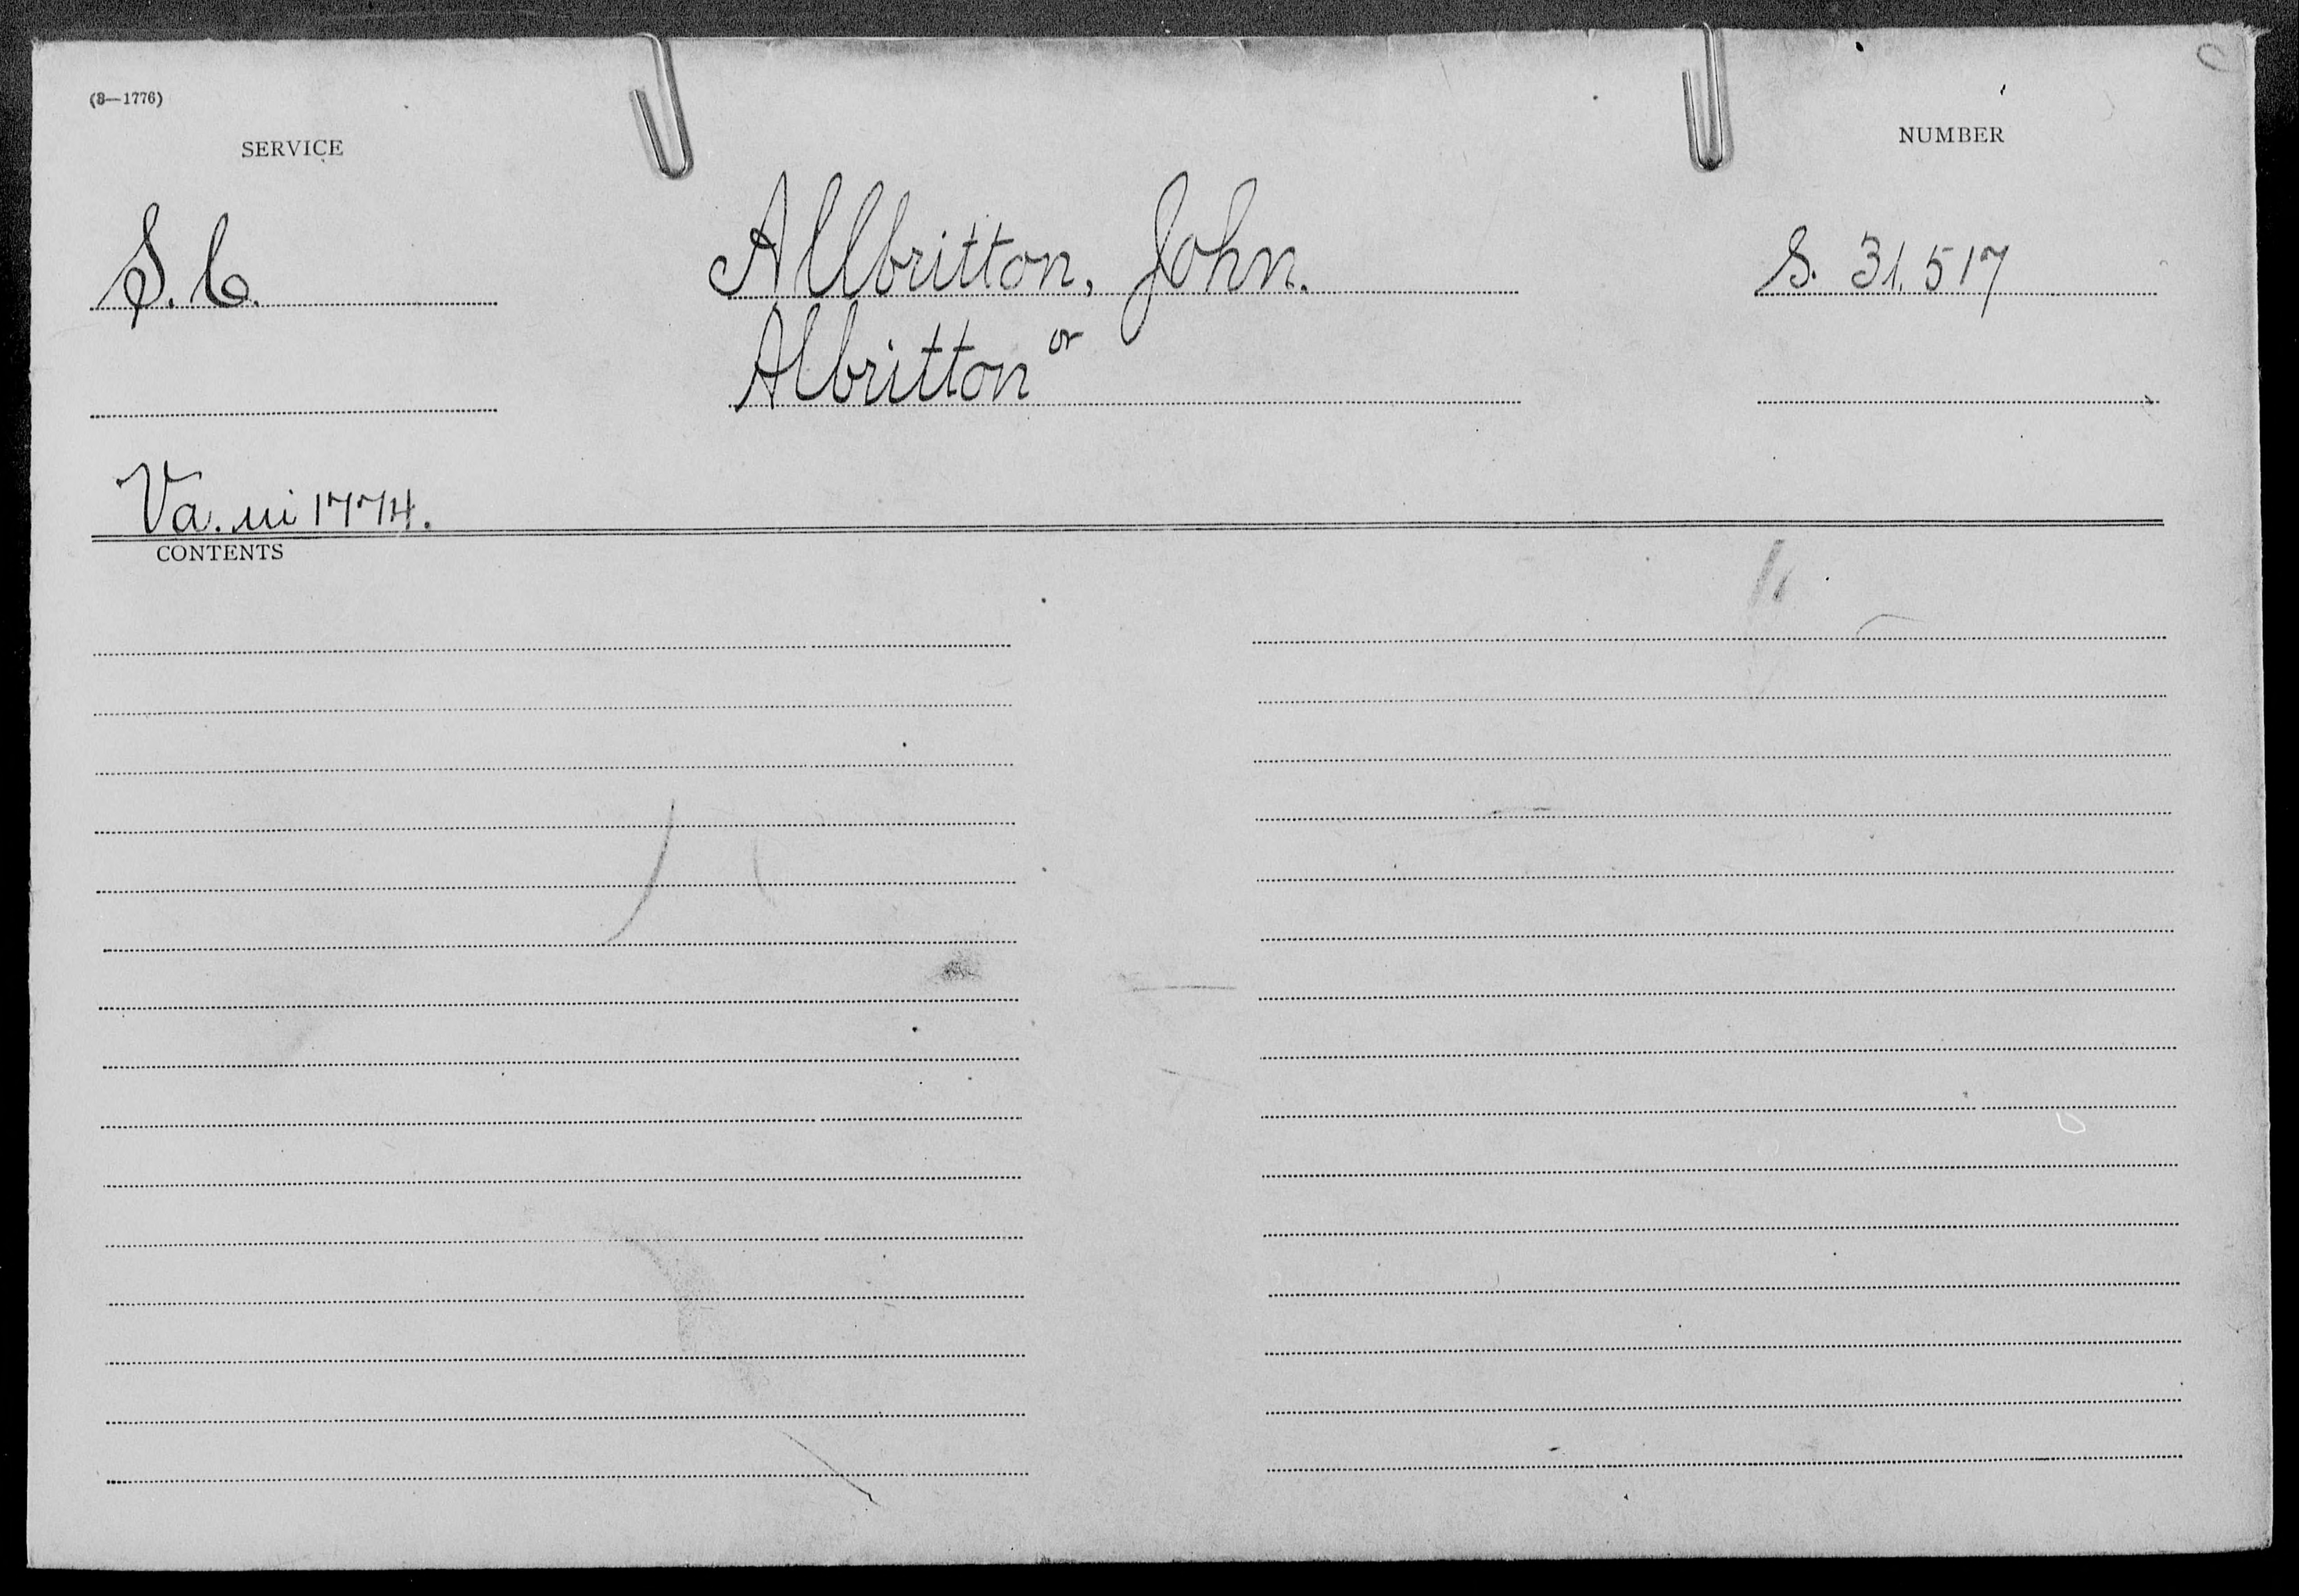S.C.
Allbritton, John or Albritton
S.31517
Va. mi 1774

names: John Albritton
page: 1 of 22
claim: survivor's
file: S. 31,517, John Allbritton, S.C.